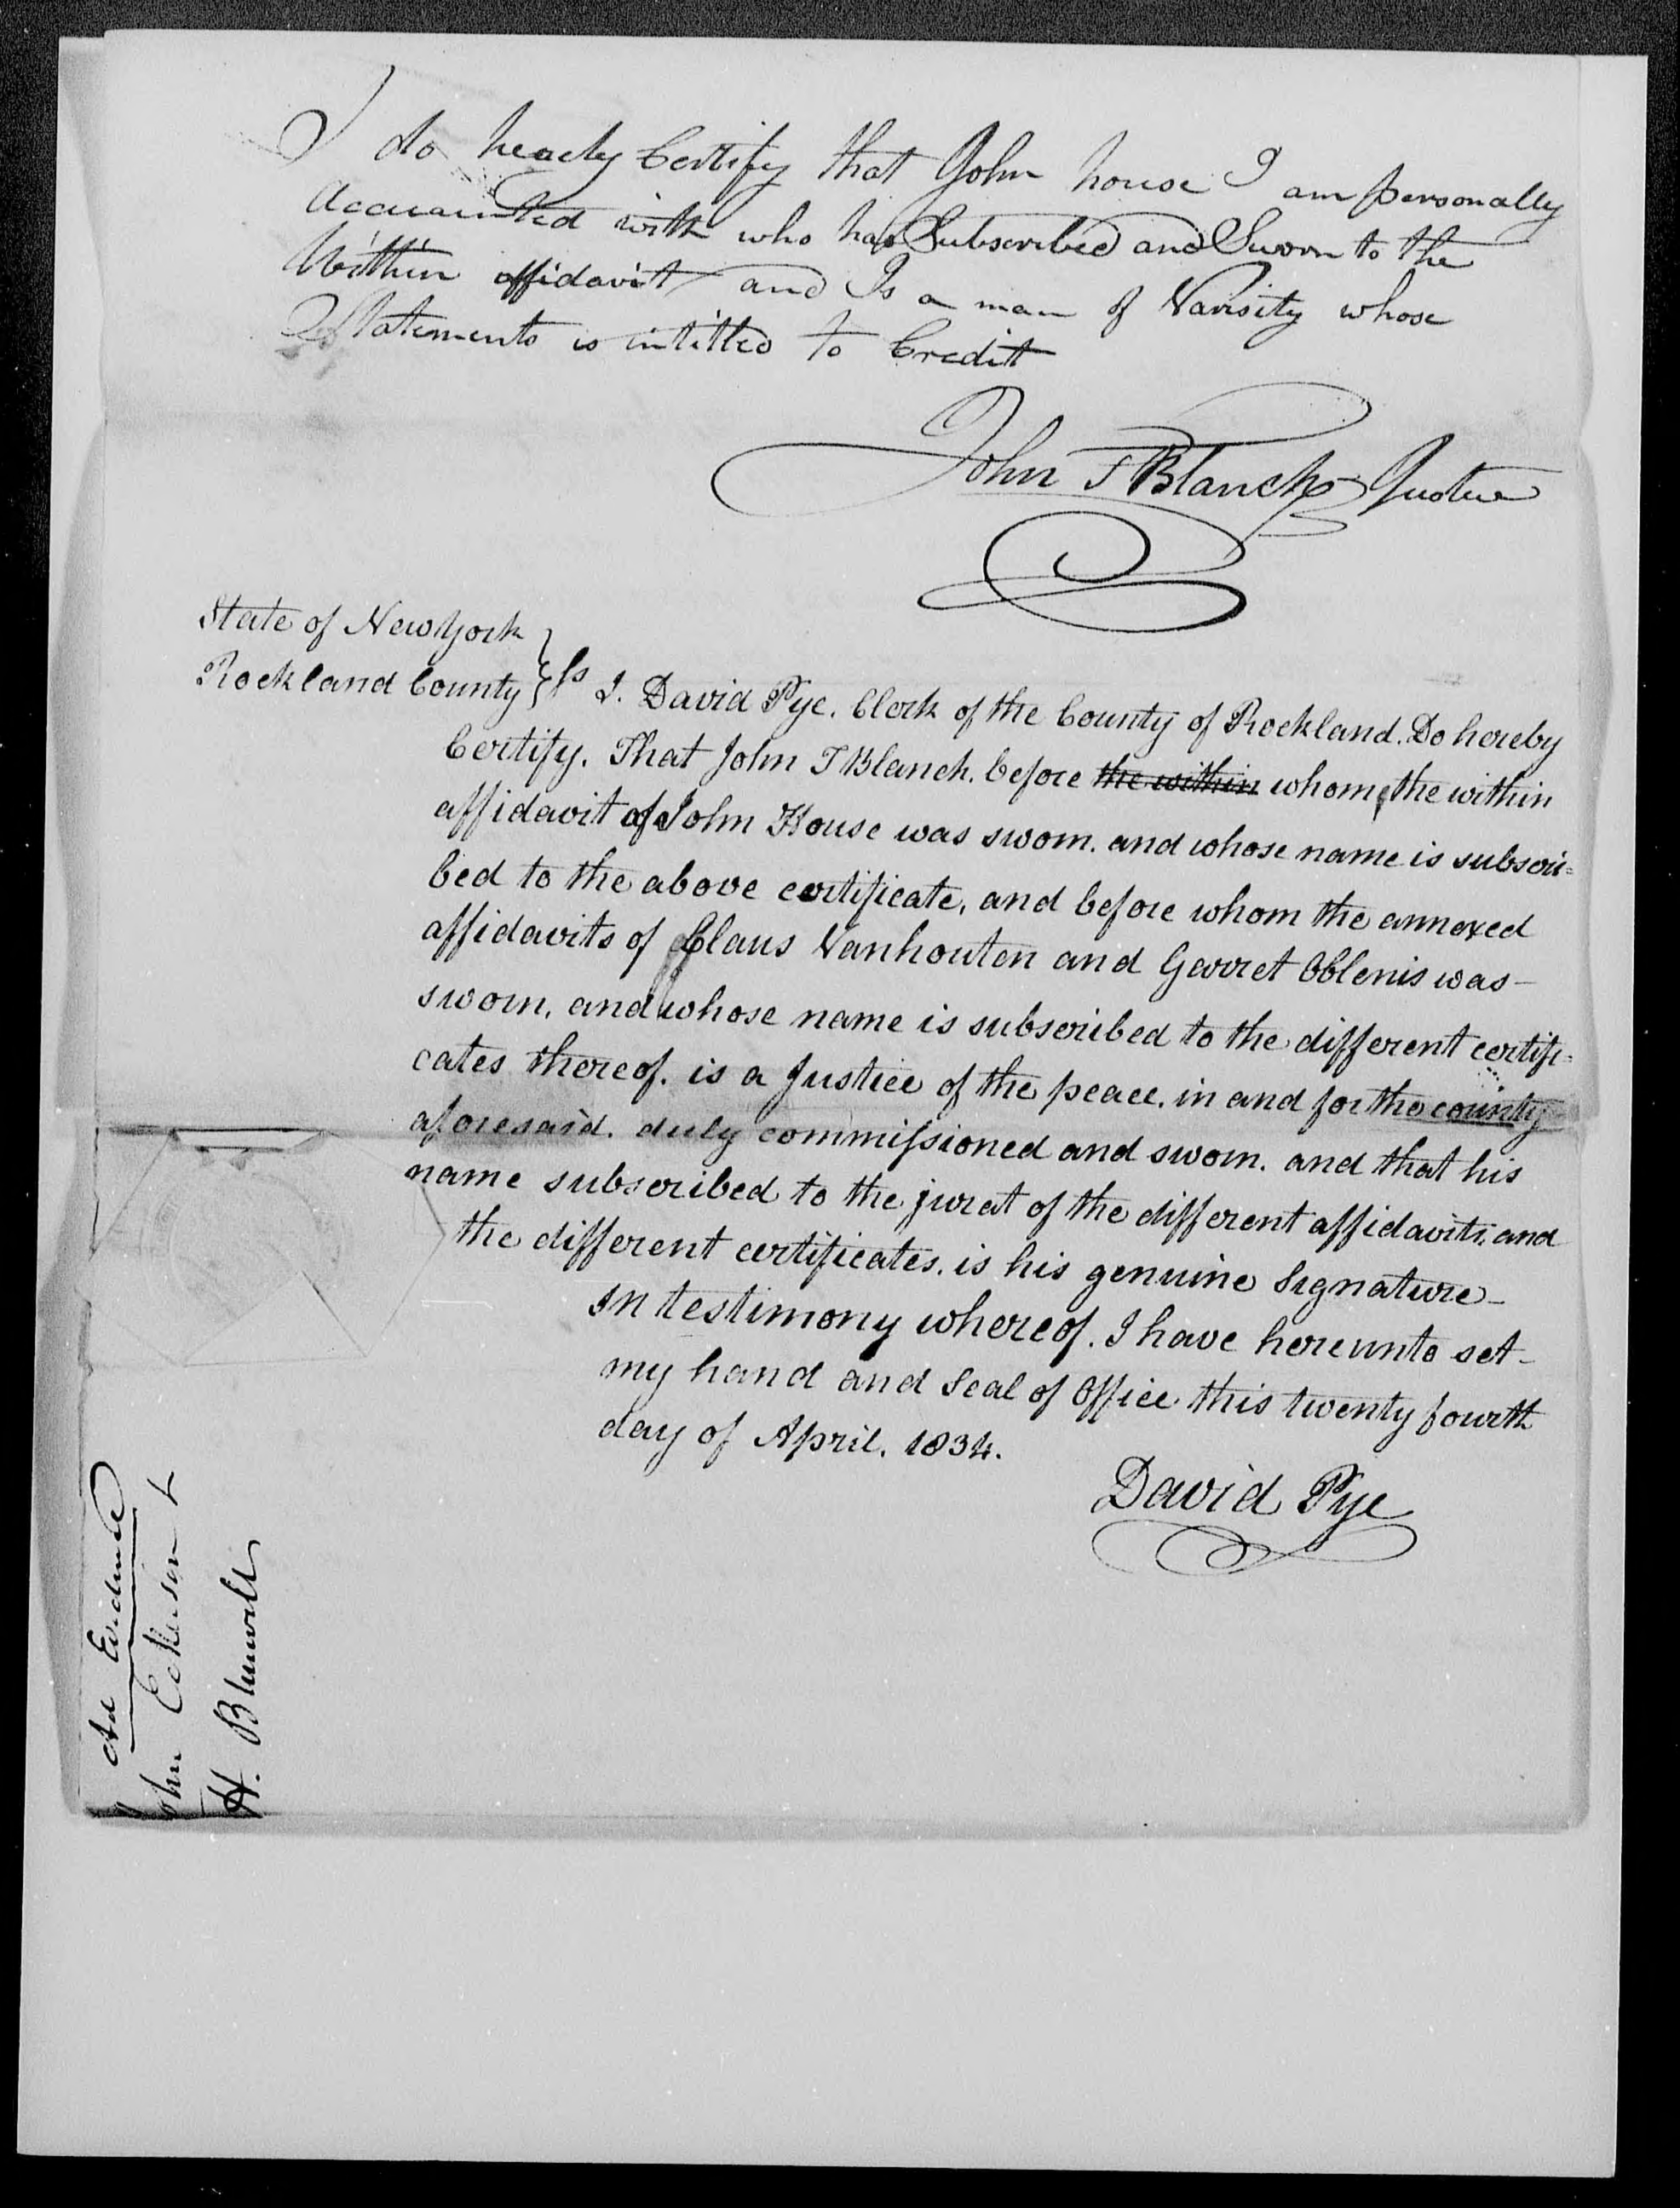I do hereby Certify that John house I am personally acquainted with who has subscribed and sworn to the within affidavit and is a man of verity whose statements are entitled to credit
[signed] John T Blanch Justice

State of New York
Rockland County Ss I, David Pye, Clerk of the County of Rockland do hereby certify that John T Blanch, before [the within, crossed out] whom the within affidavit of John House was sworn, and whose name is subscribed to the above certificate, and before whom the annexed affidavits of Claus Vanhouten and Garret Oblenis was sworn, and whose name is subscribed to the different certificates thereof, is a Justice of the peace, in and for the county aforesaid, duly commissioned and sworn, and that his name subscribed to the [illegible] of the different affidavits, and the different certificates, is his genuine signature. In testimony whereof, I have hereunto set my hand and seal of office, this twenty fourth day of April, 1834. [signed] David Pye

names: John House, John House, Claus Vanhouten, Garret Oblenis, David Pye, John T Blanch, David Pye, John T Blanch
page: 20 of 33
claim: survivor's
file: S. 22,653, Harmanus Blauvelt, New York